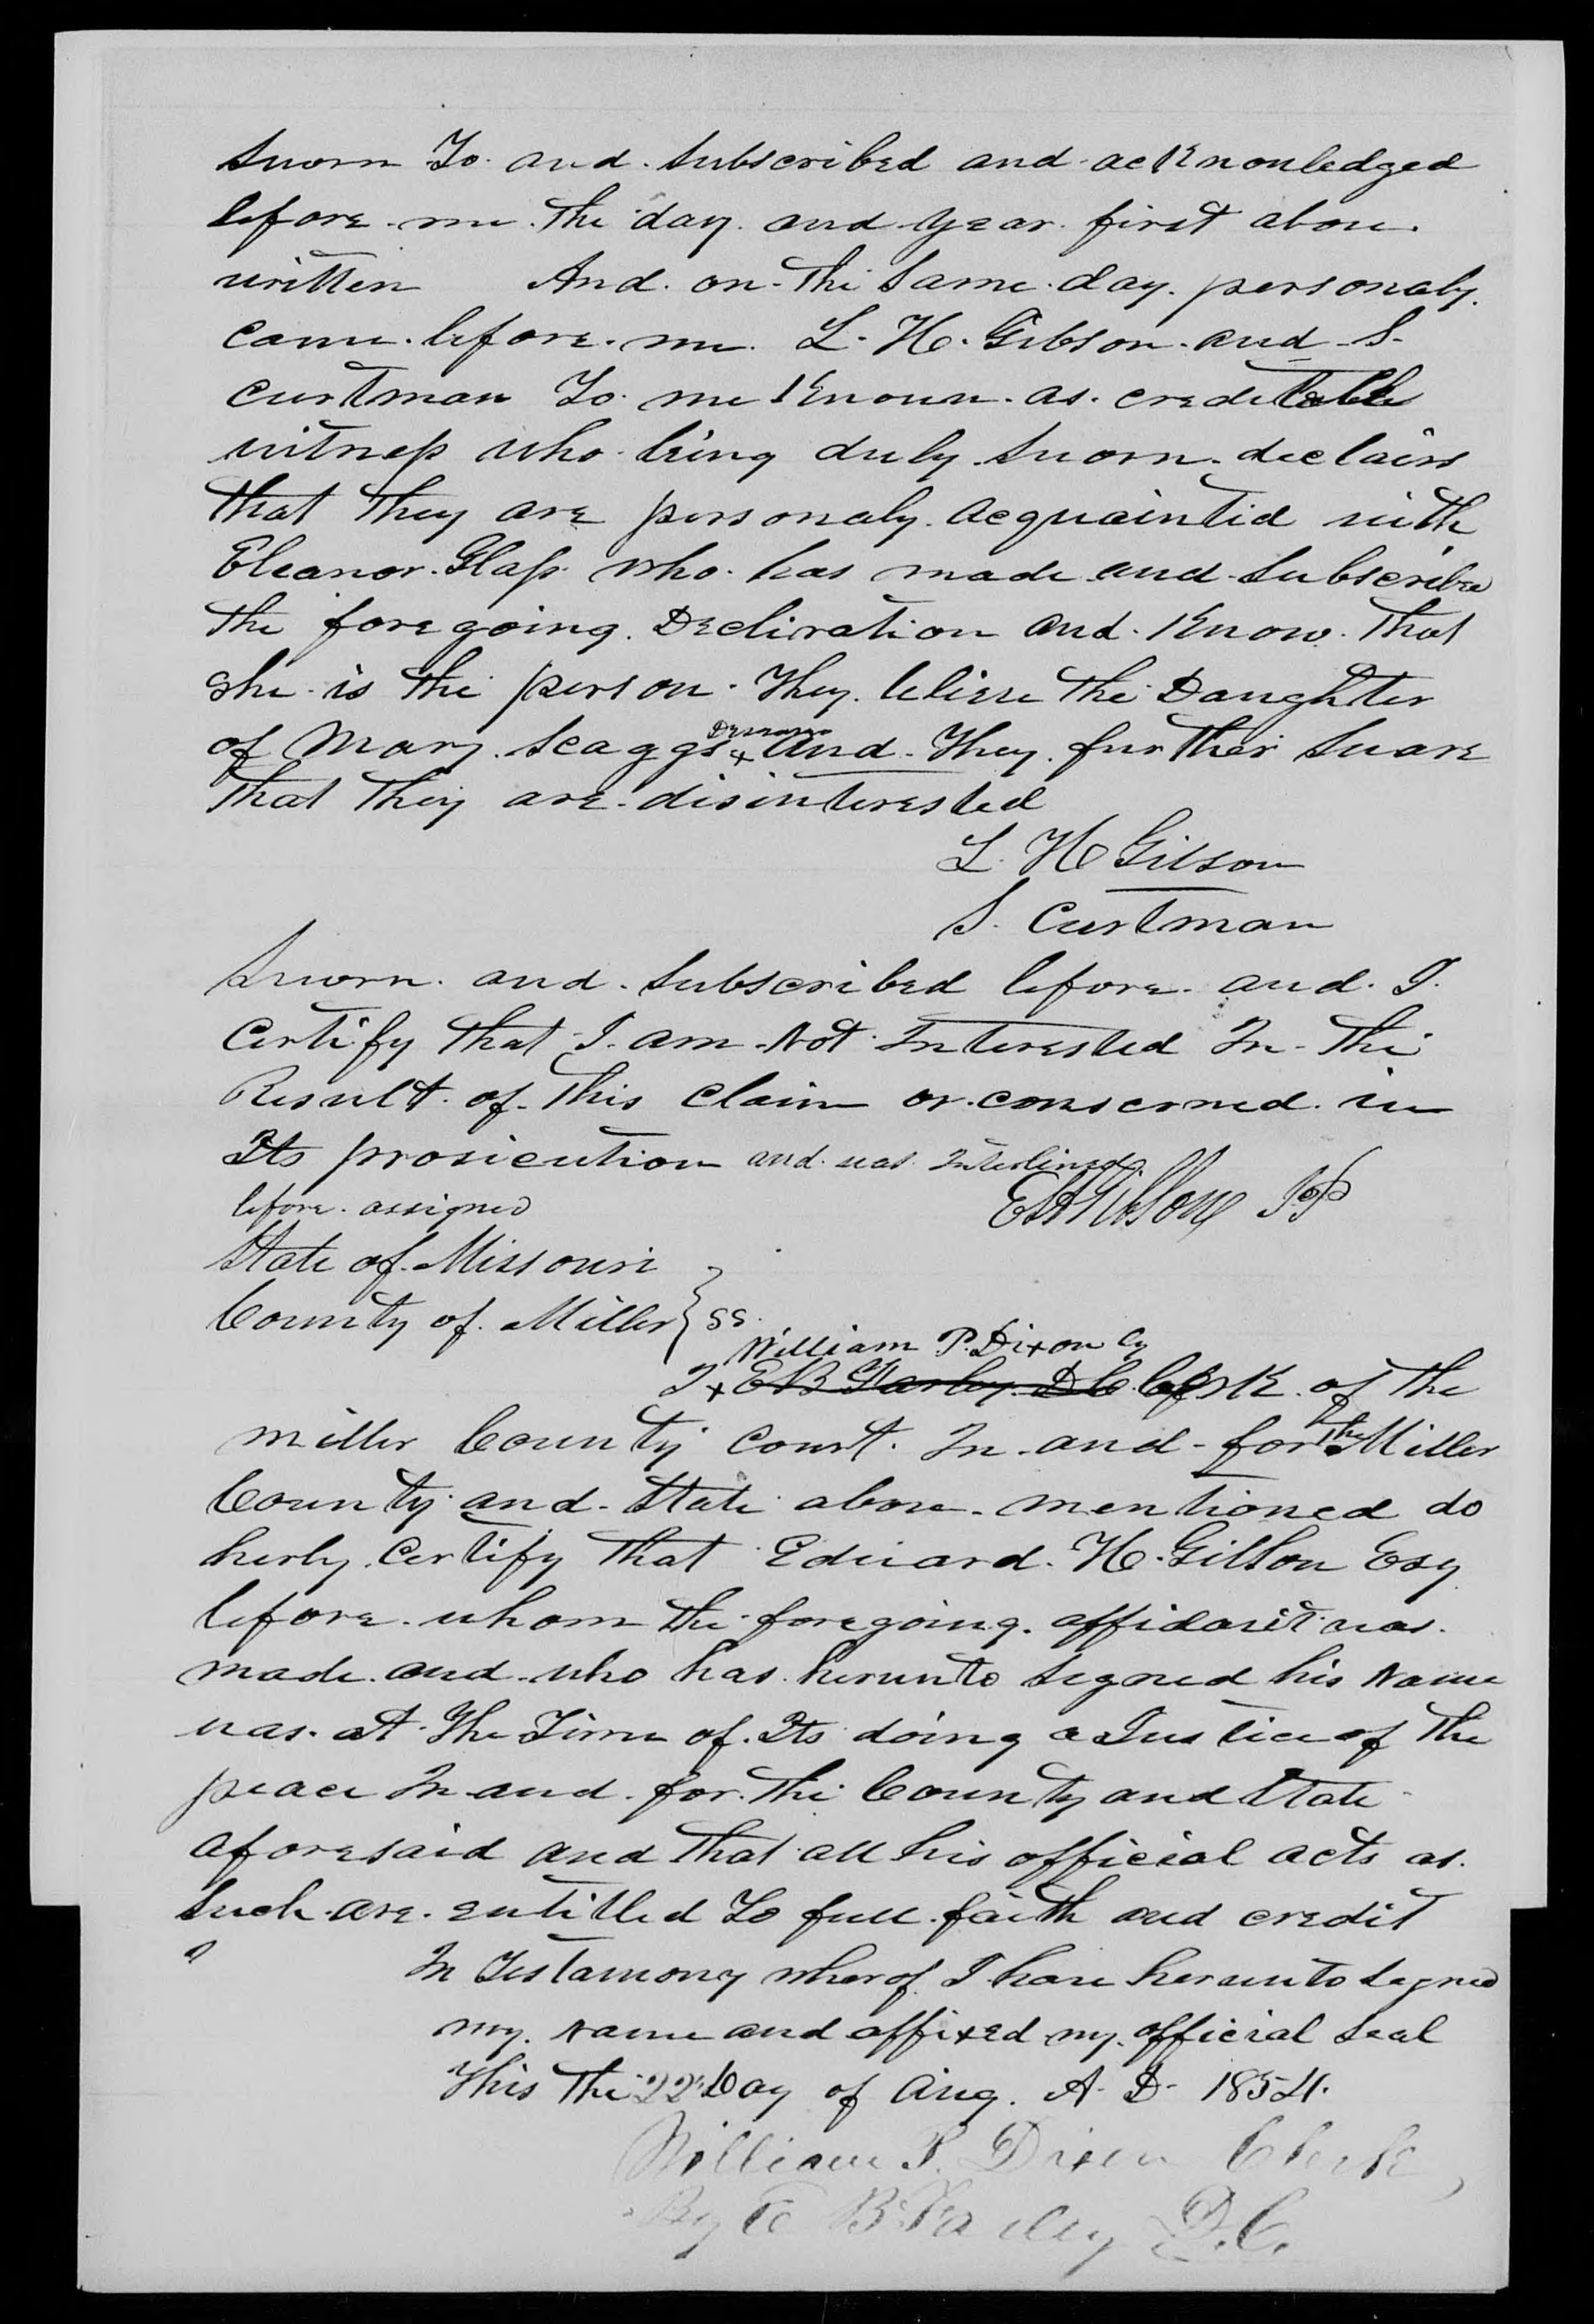Sworn to and subscribed and acknowledged before me the day and year first above written
And on the same day personally came before me L.H. Gibson and S. Curtman to me known as creditable witnesses who being duly sworn declare that they are personally acquainted with
Eleanor Glass who has made and subscribed the foregoing Declaration and know that she is the person. They believe the Daughter of Mary Scaggs deceased and they further swear that they are disinterested
L H Gibson
S. Curtman [signatures]

Sworn and subscribed before and I certify that I am not interested in the Result of this claim or concerned in its prosecution and was interlined before assigned
E H Gibson JP

State of Missouri
County of Miller
I, William P. Dixon Clerk of the Miller County Court in and for Miller County and State above mentioned do herby certify that Edward H. Gibson Esq before whom the foregoing affidavit was
made and who has hereunto signed his name was at the time of. Its doing a Justice of the Peace in and for the County and State aforesaid and that all his official acts as such are entitled to full faith and credit

In Testimony whereof I have hereunto signed my name and affixed my official Seal This the 22 day of Aug. A.D. 1854
William P. Dixon Clerk
by E B Farley D.C.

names: William P Dixon, Mary Scaggs, E B Farley, L H Gibson, Edward H Gibson, Eleanor Glass, L H Gibson, S Curtman, S Curtman, E H Gibson, William P Dixon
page: 10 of 16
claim: rejected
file: R. 9,250, Fletcher Edwards, S.C.